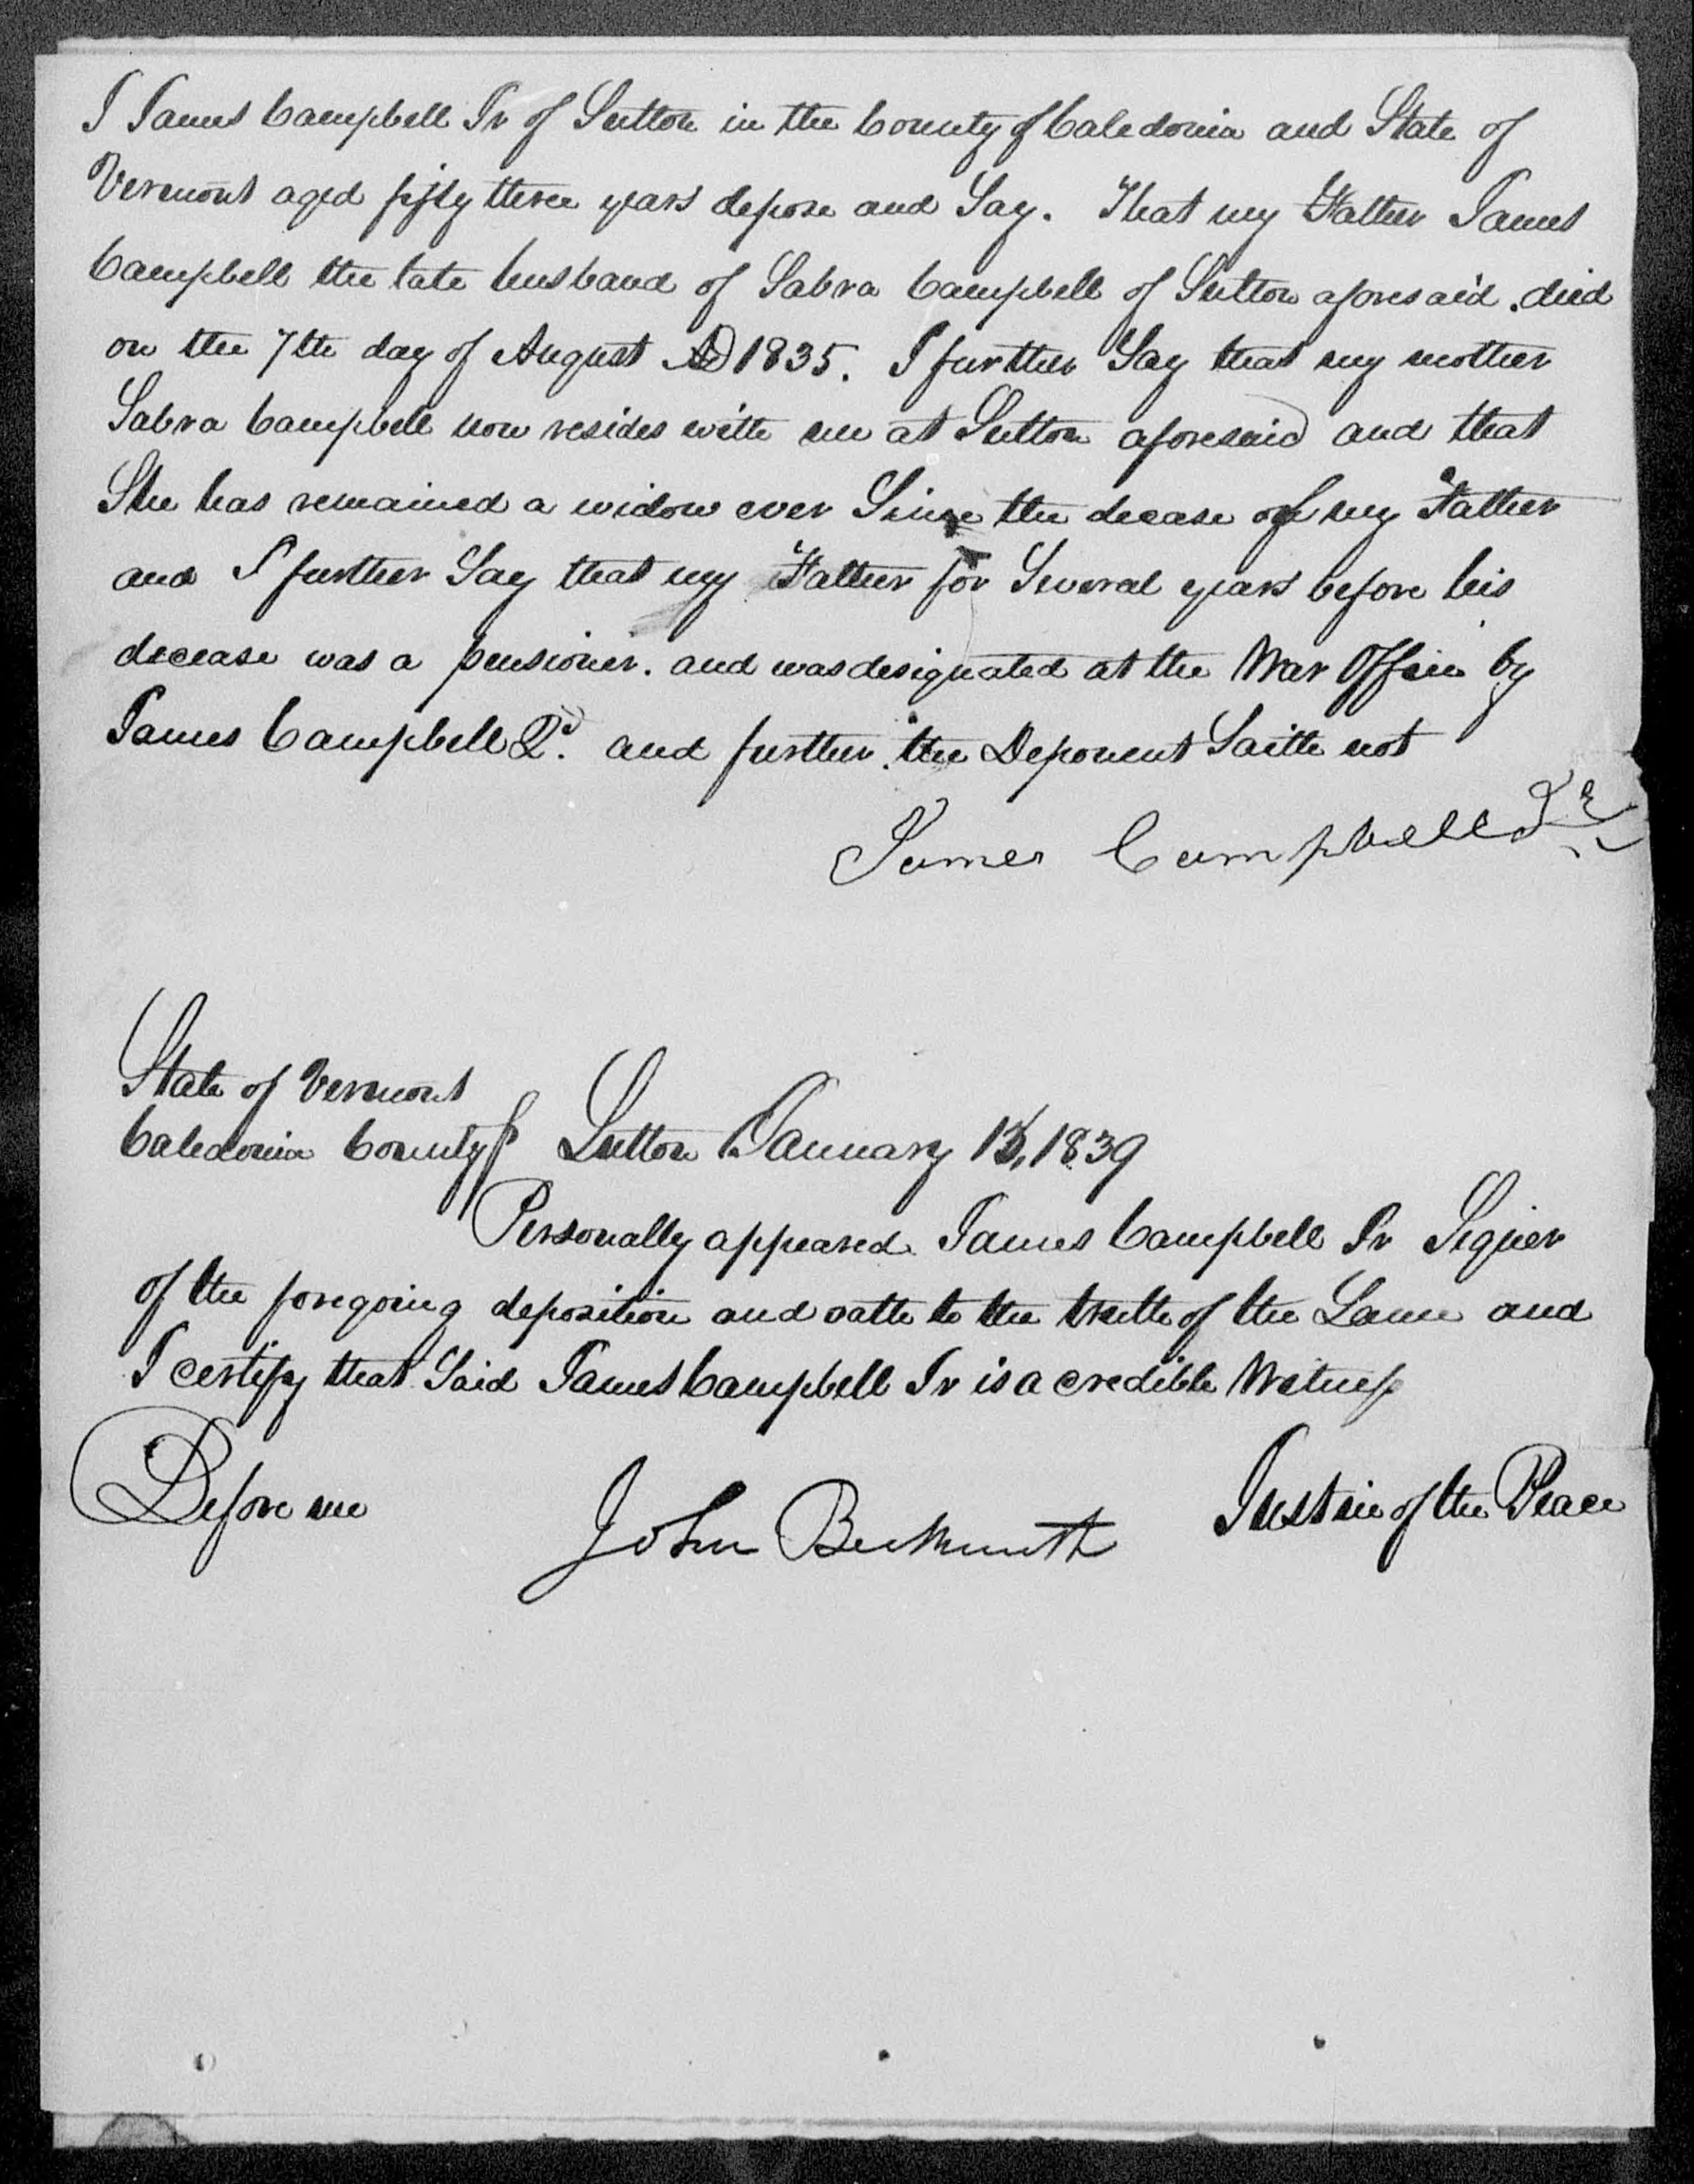I James Campbell Jr of Sutton in the County of Caledonia and State of Vermont aged fifty three years depose and Say. That my Father James Campbell the late husband of Sabra Campbell of Sutton aforesaid died on the 7th day of August AD 1835. I further say that my mother Sabra Campbell now resides with me at Sutton aforesaid and that She has remained a widow ever Since the decease of my Father
and I further say that my Father for Several years before his decease was a pensioner, and was designated at the War Office by James Campbell and further the Deponent Saith not
James Campbell Jr


State of Vermont
Caledonia County ss Sutton January 13, 1839
Personally appeared James Campbell Jr Signer of the foregoing deposition and oath to the truth of the Same and I certify that Said James Campbell Jr is a credible witness
Before me
John Beckwith Justice of the Peace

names: James Campbell, John Beckwith, Sabra Campbell, James Campbell, James Campbell, James Campbell, James Campbell, James Campbell, Sabra Campbell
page: 34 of 67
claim: widow's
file: W. 23772, James Campbell, Continental Mass.